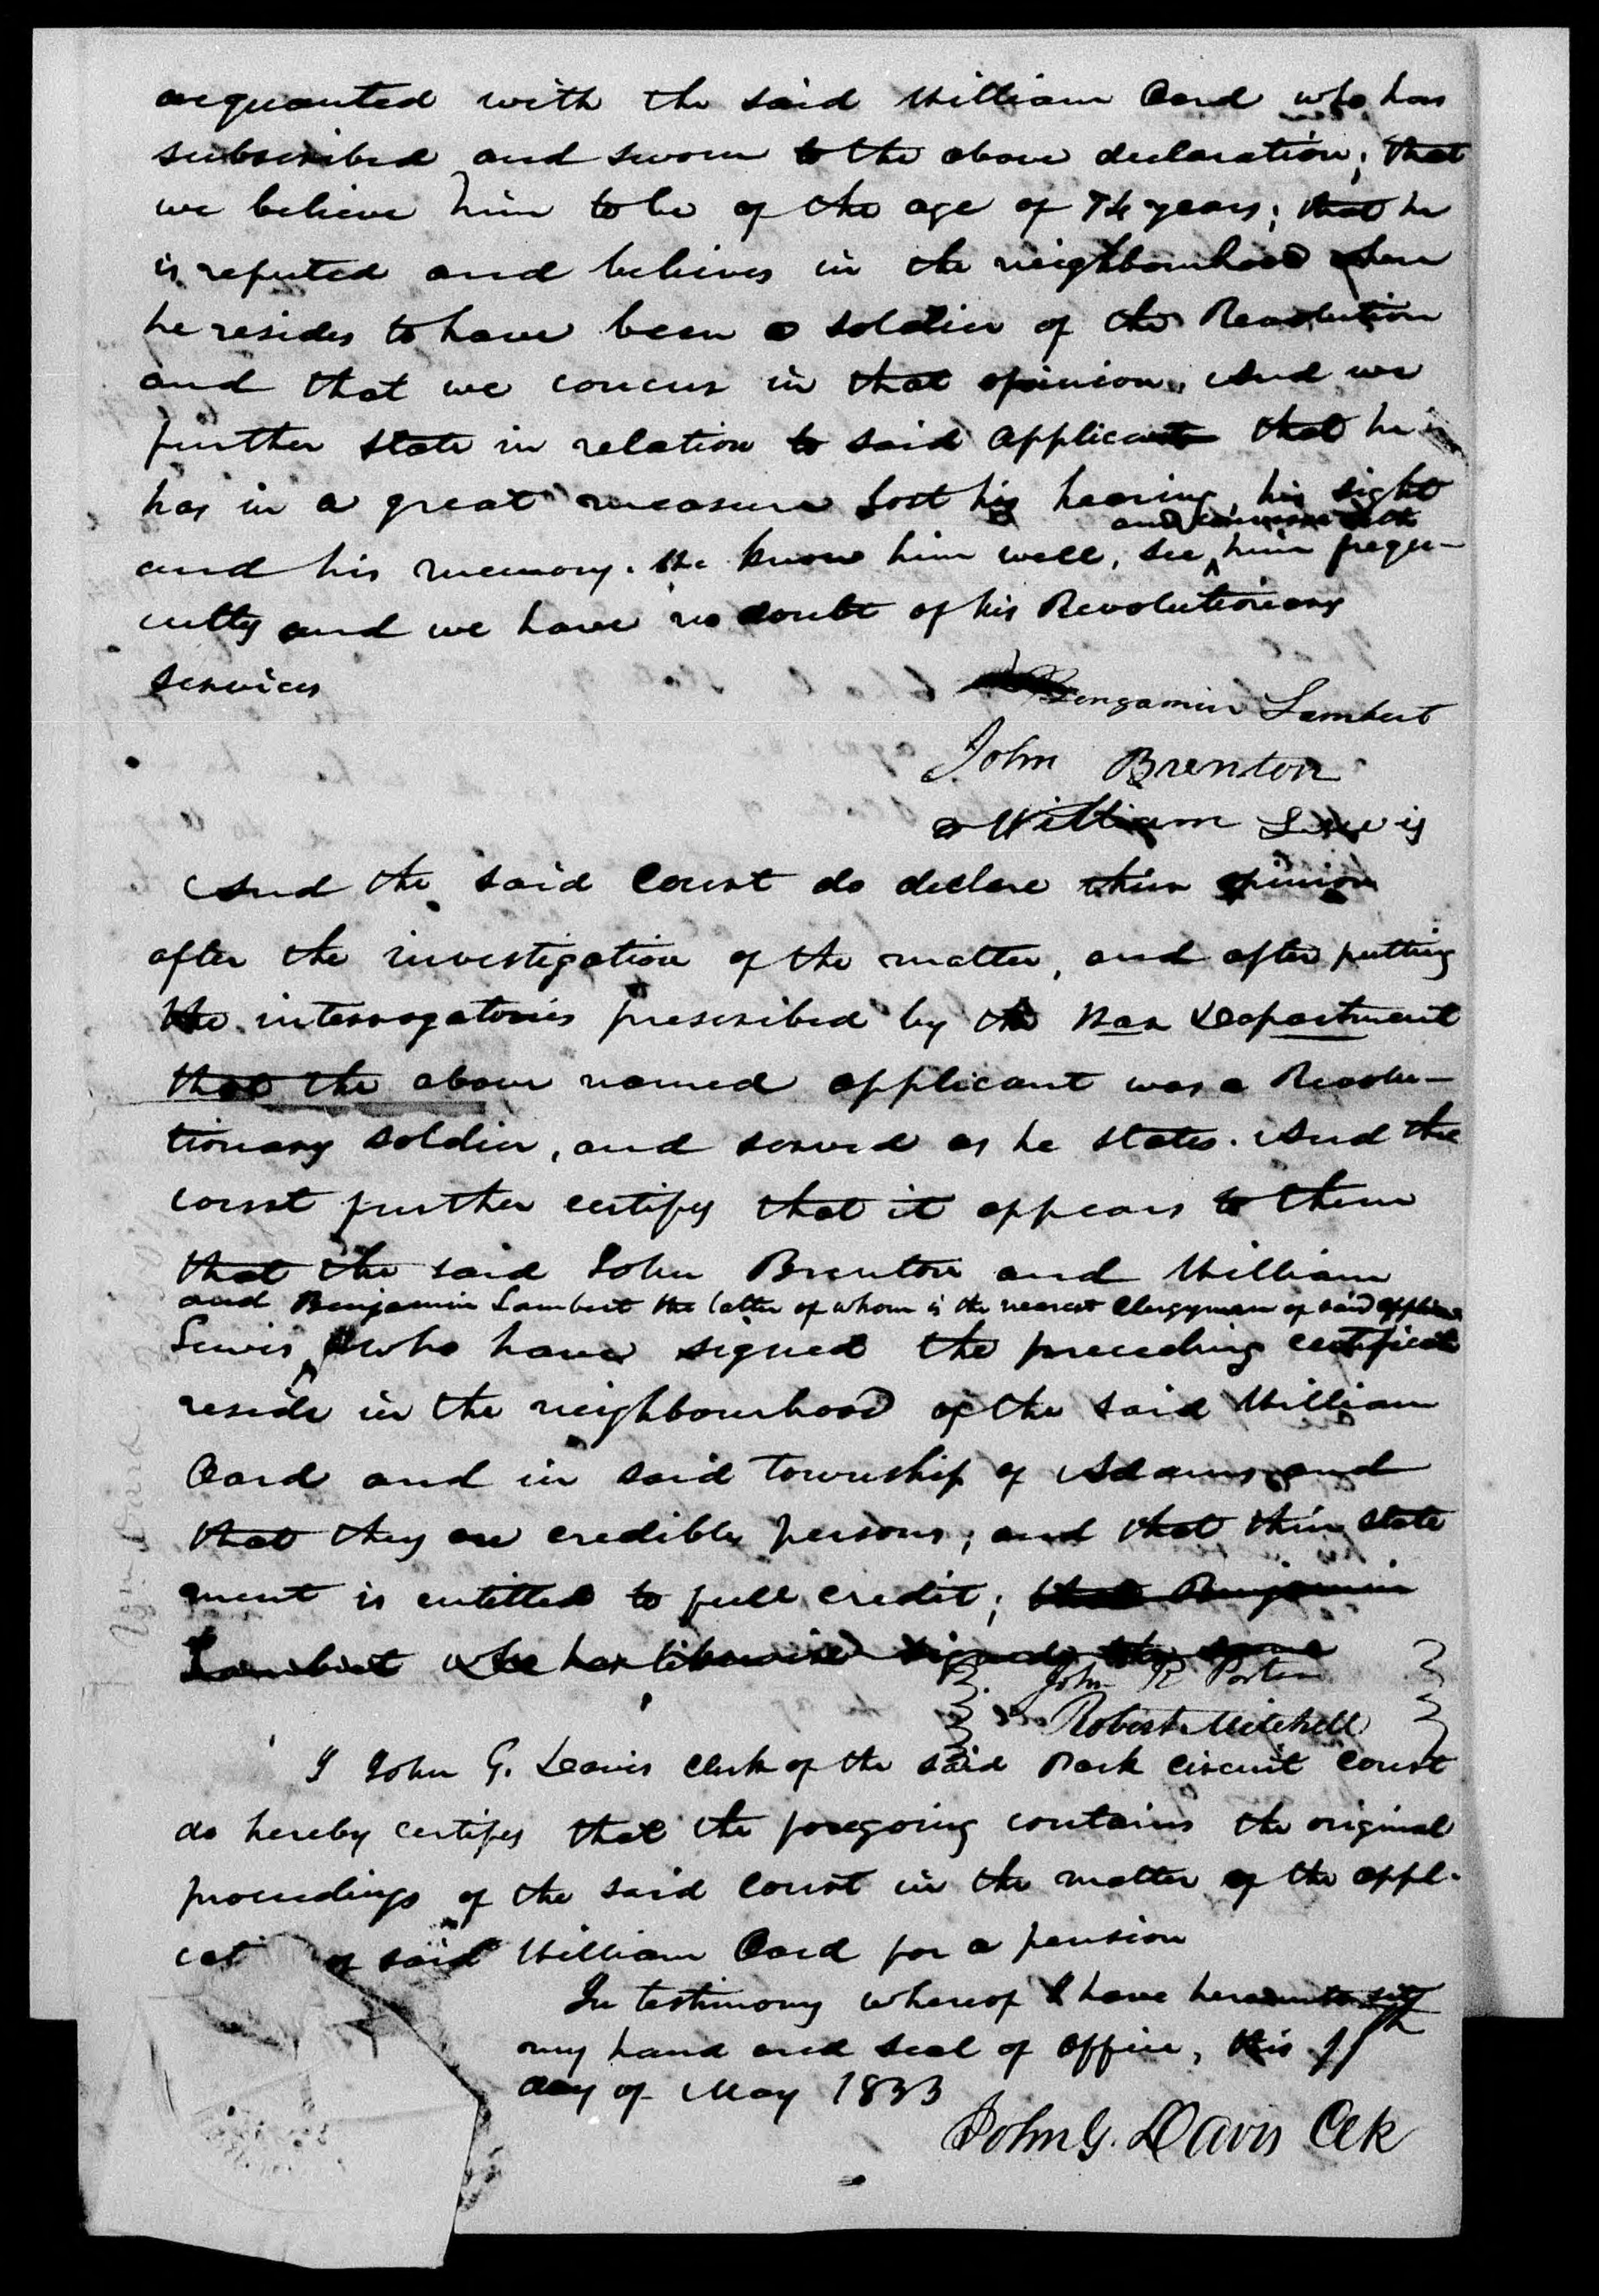acquainted with the said William Oard and who has subscribed and sworn to the above declaration; that we believe him to be of the age of 74 years; that he is reputed and believes in the neighborhood where he resides to have been a soldier of the Revolution and that we concur in that opinion; and we further state in relation to said applicant that he has in a great [illegible] lost his hearing his sight and his memory. We know him well, see and [illegible] him frequently and we have no doubt of his revolutionary services.

Benjamin Lambert
John Brenton
William Lewis

And the said court do declare their opinion after the investigation of the matter and after putting the interrogatories prescribed by the War Department that the above named applicant was a revolutionary soldier, and served as he states and the court further certify that it appears to them that the said John Brenton and William Lewis and Benjamin Lambert (the latter of whom is the nearest clergyman in said applicants county) who have signed the preceding certificates reside in the neighborhood of the said William Oard and in said township of Adams and that they are credible persons; and that their statement is entitled to full credit.

John R Porter
Robert Mitchell

I John G Davis Clerk of the said York Circuit court do hereby certify that the foregoing contains the original proceedings of the said court in the matter of the application of said William Oard for a pension.

In testimony whereof I have herewith set my hand and seal of office tis 11 day of May 1833.

John G Davis - Clerk

SEAL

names: William Lewis; John Brenton; William Lambert; Benjamin Lambert; Robert Mitchell; John R Porter; John G Davis; William Oard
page: 9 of 18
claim: survivor's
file: S. 16,496, for William Oard, Maryland